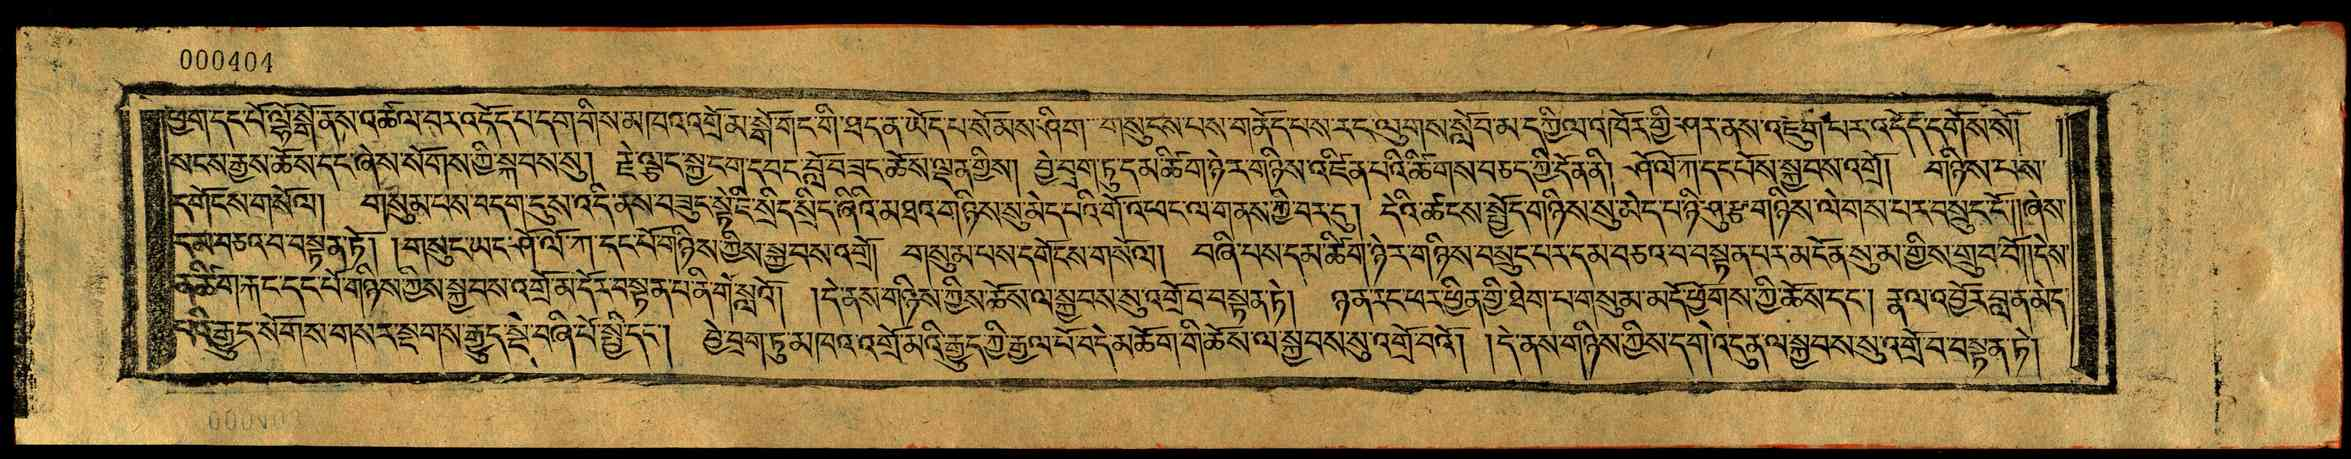ཕྱག་དང་པོ་ལྷོ་སྒོ་ནས་འཚལ་བར་འདོད་པ་དག་གིས་མཁའ་འགྲོ་མ་སྒོ་གང་གི་ཐད་ན་ཡོད་པ་སོམས་ཤིག་གསུངས་པས་གནོད་པས་རང་ལུགས་སློབ་མ་དཀྱིལ་འཁོར་གྱི་ཤར་ནས་འཇུག་པར་འདོད་དགོས་སོ། །
སངས་རྒྱས་ཆོས་དང་ཞེས་སོགས་ཀྱི་སྐབས་སུ། རྗེ་ལྕང་སྐྱ་ངག་དབང་བློ་བཟང་ཆོས་ལྡན་གྱིས། བྱེ་བྲག་ཏུ་དམ་ཚིག་ཉེར་གཉིས་འཛིན་པའི་ཚིགས་བཅད་ཀྱི་དོན་ནི། ཤོ་ལོ་ཀ་དང་པོས་སྐྱབས་འགྲོ། གཉིས་པས་
དགོངས་གསོལ། གསུམ་པས་བདག་དུས་འདི་ནས་བཟུང་སྟེ་ཇི་སྲིད་སྲིད་ཞིའི་མཐའ་གཉིས་སུ་མེད་པའི་གོ་འཕང་ལ་གནས་ཀྱི་བར་དུ། དེའི་ཚངས་སྤྱོད་གཉིས་སུ་མེད་པ་ཉི་ཤུ་རྩ་གཉིས་ལེགས་པར་བསྲུང་ངོ། །ཞེས་
དམ་བཅའ་བ་བསྟན་ཏོ། །གསུང་ཡང་ཤོ་ལོ་ཀ་དང་པོ་གཉིས་ཀྱིས་སྐྱབས་འགྲོ། གསུམ་པས་དགོངས་གསོལ། བཞི་པས་དམ་ཚིག་ཉེར་གཉིས་པ་སྲུང་བར་དམ་བཅའ་བ་བསྟན་པར་མངོན་སུམ་གྱིས་གྲུབ་བོ། །དེས་
ན་ཚིག་རྐང་དང་པོ་གཉིས་ཀྱིས་སྐྱབས་འགྲོ་མདོར་བསྟན་པ་ནི་གོ་སླའོ། །དེ་ནས་གཉིས་ཀྱིས་ཆོས་ལ་སྐྱབས་སུ་འགྲོ་བ་བསྟན་ཏེ། ཉན་རང་ཕར་ཕྱིན་གྱི་ཐེག་པ་གསུམ་མདོ་ཕྱོགས་ཀྱི་ཆོས་དང་། རྣལ་འབྱོར་བླ་ན་མེད་
པའི་རྒྱུད་སོགས་གསང་སྔགས་རྒྱུད་སྡེ་བཞི་པོ་སྤྱི་དང་། བྱེ་བྲག་ཏུ་མཁའ་འགྲོ་མའི་རྒྱུད་ཀྱི་རྒྱལ་པོ་བདེ་མཆོག་གི་ཆོས་ལ་སྐྱབས་སུ་འགྲོ་བའོ། །དེ་ནས་གཉིས་ཀྱིས་དགེ་འདུན་ལ་སྐྱབས་སུ་འགྲོ་བ་བསྟན་ཏེ།